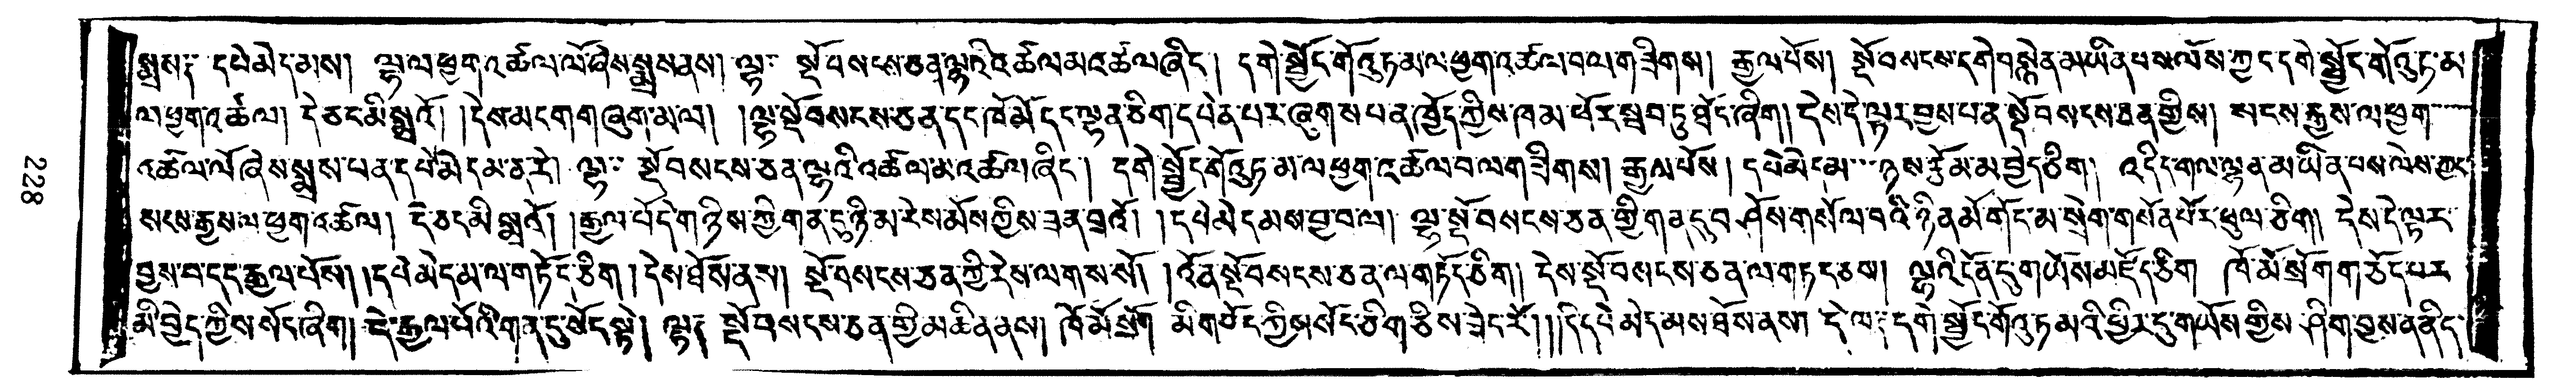སྨྲས༑ དཔེ་མེད་མས། ལྷ་ལ་ཕྱག་འཚལ་ལོ་ཞེས་སྨྲས་ནས། ལྷ་སྔོ་བ་སངས་ཅན་ལྷའི་འཚལ་མ་འཚལ་ཞིང་། དགེ་སྦྱོང་གོའུ་ཏ་མ་ལ་ཕྱག་འཚལ་བ་ལ་གཟིགས། རྒྱལ་པོས། སྔོ་བ་སངས་དགེ་བསྙེན་མ་ཡིན་པས་ལོས་ཀྱང་དགེ་སྦྱོང་གོའུ་ཏ་མ་
ལ་ཕྱག་འཚལ། དེ་ཅང་མི་སྨྲའོ། །དེས་མངག་གཞུག་མ་ལ། །ལྷ་སྔོ་བ་སངས་ཅན་དང་ཁོ་མོ་དང་ལྷན་ཅིག་དབེན་པར་ཞུགས་པ་ན་ཁྱོད་ཀྱིས་ཁམ་ཕོར་སྦབ་ཏུ་ཐོད་ཞིག། དེས་དེ་ལྟར་བྱས་པ་ན་སྔོ་བསངས་ཅན་གྱིས། སངས་རྒྱས་ལ་ཕྱག་
འཚལ་ལོ་ཞེས་སྨྲས་པ་ན་དཔེ་མེ་དམ་ན་རེ། ལྷ་སྔོ་བསངས་ཅན་ལྷའི་འཚལ་མ་འཚལ་ཞིང་། དགེ་སྦྱོང་གོའུ་ཏ་མ་ལ་ཕྱག་འཚལ་བ་ལ་གཟིགས། རྒྱལ་པོས། དཔེ་མེ་དམ་ཉས་རྩོམ་མ་བྱེད་ཅིག། འདི་ད་གལ་ལྷན་མ་ཡིན་པས་ལེས་ཀྱང་
སངས་རྒྱས་ལ་ཕྱག་འཚལ། དེ་ཅད་མི་སྨྲའོ། །རྒྱལ་པོ་དེ་གཉིས་ཀྱི་གན་དུ་ཉི་མ་རེས་མོས་ཀྱིས་ཟན་བྲའོ། །དཔེ་མེད་མས་བྱ་བ་ལ། ལྷ་སྔོ་བསངས་ཅན་གྱི་གན་དུ་བཤོས་གསོལ་བའི་ཉིན་མོ་གོང་མ་སྲེག་གསོན་པོར་ཕུལ་ཅིག། དེས་དེ་ལྟར་
བྱས་པ་དང་རྒྱལ་པོས། །དཔེ་མེད་མ་ལ་གཏོད་ཅིག །དེས་ཐོས་ནས། སྔོ་བ་སངས་ཅན་ཀྱི་རེས་ལགས་སོ། །འོ་ན་སྔོ་བ་སངས་ཅན་ལ་གཏོད་ཅིག། དེས་སྔོ་བ་སངས་ཅན་ལ་གཏད་ཅས། ལྷའི་དོན་དུ་གཡོས་མཛོད་ཅིག་ཁོ་མོ་སྲོག་གཅོད་པར་
མི་བྱེད་ཀྱིས་སོང་ཞིག། དེ་རྒྱལ་པོའི་གན་དུ་སོང་སྟེ། ལྟ༑ སྔོ་བསངས་ཅན་གྱི་མཆིན་ནས། ཁོ་མོ་སྲོག །མི་གཅོད་ཀྱིས་སོང་ཅིག་ཅིས་ཟེར་རོ། །དི་དཔེ་མེད་མས་ཐོས་ནས། དེ་ལ༑ དགེ་སྦྱོང་གོའུ་ཏ་མའི་ཕྱིར་དུ་གཡོས་གྱིས་ཤིག་བྱས་ན་ནི་ད་